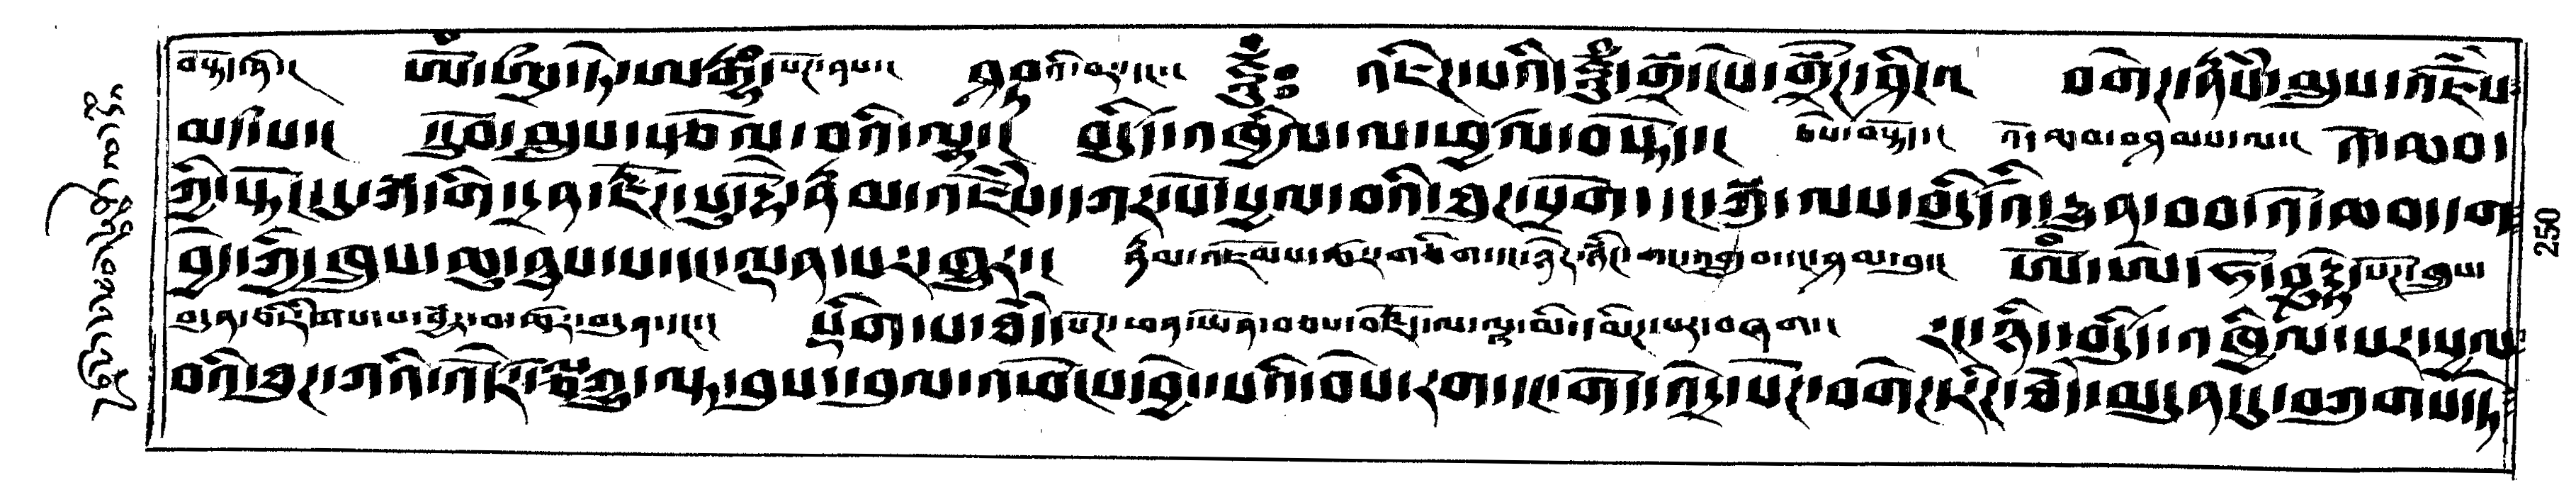བསྟོད་ནི། ཨོཾ་ཨ་མྲྀ་ཏེ་ཨརྒྷཾ་སོགས་ནས། ཤབྟ འི་བར་དང་། ཧཱུྃཿ འཇིགས་པའི་ཧཱུྃ་སྒྲ་ངེས་སྒྲོགས་ཤིང་། །བགེགས་རྣམས་མ་ལུས་འཇོམས་
མཛད་པ། །དངོས་གྲུབ་མ་ལུས་སྩོལ་བའི་ལྷ། །བདུད་རྩི་འཁྱིལ་ལ་ཕྱག་འཚལ་བསྟོད།། ཅེས་བསྟོད། འོ་ཆབ་བཤམས་ལ། འོ་ཆབ་
ཀྱི་སྟེང་དུ་སྐད་ཅིག་དྲན་རྫོགས་སུ་རྡོ་རྗེ་རྣམ་འཇོམས་དཀར་པོ་གསལ་བའི་ཐུགས་སྲོག་དང་སྐུ་ལས་བདུད་རྩིའི་རྒྱུན་བབ་འོ་ཆབ་དག་
བྱེད་ཀྱི་ཁྲུས་ཆུ་ནུས་པ་དང་ལྡན་པར་གྱུར། རྣམ་འཇོམས་ཚར་གཅིག་དང་ཉེར་སྙིང་གང་འགྲུབ་དང་ཤམ་བུ། ཨོཾ་ཨེ་ཧོ་ཤུདྡྷེ་སོགས་ཁྲུས་
བདུན་ཅི་རིགས་པ་སྦྱར་བ་ཚར་བདུན་དང་། སྡིག་པ་ཐམས་ཅད་སོགས་ཕན་ཡོན་བཅས་བརྗོད་ལ་ལྷ་མི་དམིགས་པར་བཞག རང་ཉིད་བདུད་རྩི་འཁྱིལ་པར་གསལ་
བའི་ཐུགས་ཀའི་འོད་ཟེར་ལྕགས་ཀྱུ་ལྟ་བུས་དབུལ་ཕོངས་བྱེད་པའི་བེས་རག་དང་གོད་འདྲེ་སོགས་བགེགས་རིགས་ཐམས་ཅད་མདུན་དུ་བཀུགས་ཏེ་